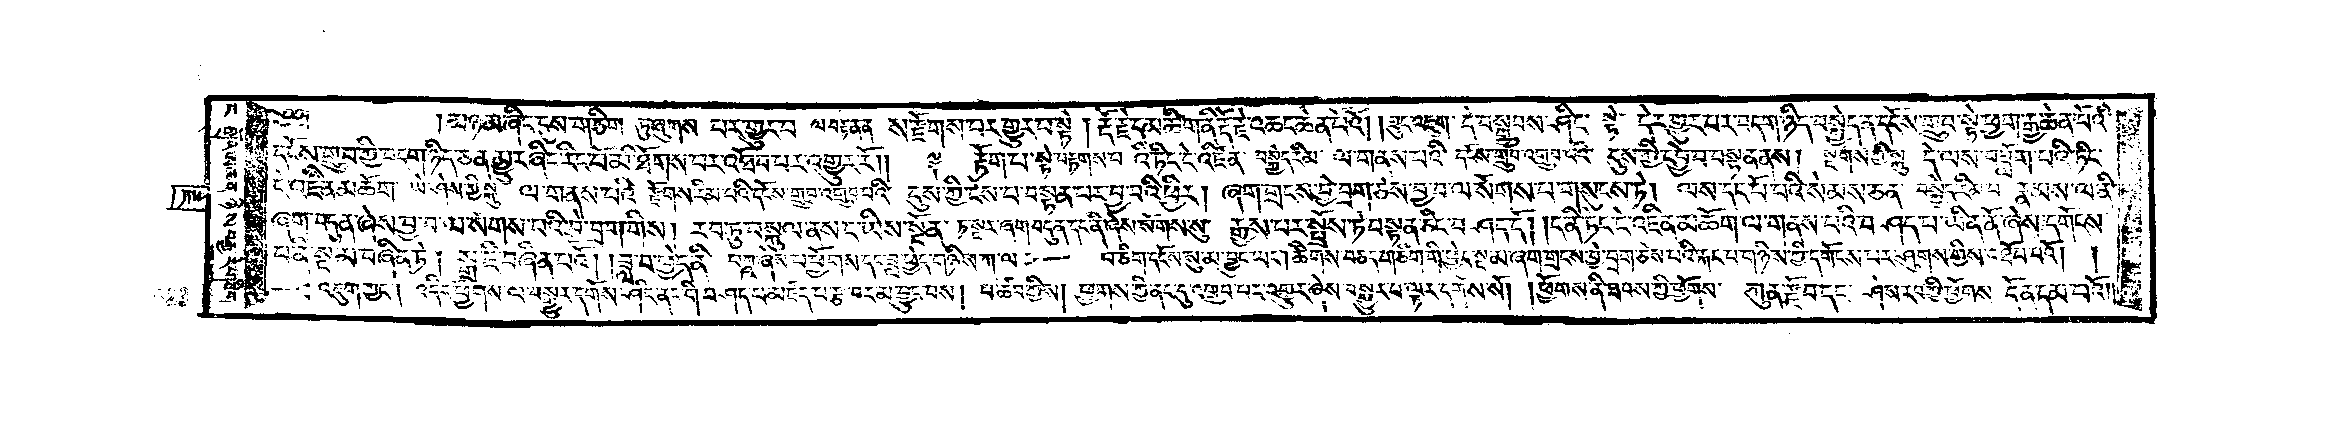༄༅། །མཉམ་ཞིང་དུས་གཅིག་ཏུ་ཞུགས་པར་གྱུར་པ་ལ་བརྟེན་ན་ས་རྫོགས་པར་གྱུར་པ་སྟེ། རྡོ་རྗེ་དམ་ཚིག་ནི་རྡོ་རྗེ་འཆང་ཆེན་པོའོ། །ཟུང་འཇུག་དེ་བསྒྲུབས་ཤིང་སྟེ་དེར་གྱུར་པར་བདག་ཉིད་བསྐྱེད་ན་དངོས་གྲུབ་སྟེ་ཕྱག་རྒྱ་ཆེན་པོའི་
དངོས་གྲུབ་ཀྱི་བདག་ཉིད་ཅན་མྱུར་ཞིང་རིང་པོ་མི་ཐོགས་པར་འཐོབ་པར་འགྱུར་རོ།། ༈ རྟོག་པ་སྟེ་བརྟགས་པའི་ཏིང་ངེ་འཛིན་བསྐྱེད་རིམ་ལ་གནས་པའི་དངོས་གྲུབ་འགྲུབ་པའི་དུས་ཀྱི་དབྱེ་བ་བསྟན་ནས། སྔགས་ཀྱི་སྐུ་དེ་ལས་བཟློག་པའི་ཏིང་
ངེ་འཛིན་མཆོག་ཡེ་ཤེས་ཀྱི་སྐུ་ལ་གནས་པའི་རྫོགས་རིམ་པའི་དངོས་གྲུབ་འགྲུབ་པའི་དུས་ཀྱི་ངེས་པ་བསྟན་པར་བྱ་བའི་ཕྱིར། ཞག་གྲངས་བྱ་བྲག་ཅེས་བྱ་བ་ལ་སོགས་པ་གསུངས་ཏེ། ལས་དང་པོ་པའི་སེམས་ཅན་བསྐྱེད་རིམ་པ་རྣམས་ལ་ནི་
ཞག་བདུན་ཞེས་བྱ་བ་ལ་སོགས་པའི་བྱེ་བྲག་གིས། རབ་ཏུ་བསྐུལ་ནས་ང་ཡིས་སྔོན་ཏ་སྔར་ཞག་བདུན་དང་ནི་ཞེས་སོགས་སུ་རྒྱས་པར་སྤྲོས་ཏེ་བསྟན་ཅིང་བཤད་དོ། །ད་ནི་ཏིང་ངེ་འཛིན་མཆོག་ལ་གནས་པའི་བཤད་པ་ཡིན་ནོ་ཞེས་དགོངས་
པ་ནི་སྔ་མ་བཞིན་ཏེ། སྒྲ་ཇི་བཞིན་པའོ། །ཟླ་བ་ཕྱེད་ནི་པཀྵ་ཞེས་པ་ཕྱོགས་དང་ཟླ་ཕྱེད་གཉིས་ཀ་ལཿ་པ་ཅིག་དངོས་སུ་མ་བྱུང་ཡང་། ཚོགས་བཅད་གཅིག་གི་ཕྱེད་སྔ་མ་ཞག་གྲངས་བྱེ་བྲག་ཅེས་པའི་རྐང་པ་གཉིས་ཀྱི་དགོངས་པར་ཤུགས་ཀྱིས་འཐོབ་པའི། །
.Hའཇུག་ཀྱང་། འདིར་ཕྱོགས་ལ་བསྒྱུར་དགོས་ཤིང་ནང་གི་བཤད་པ་མཛད་པ་རྩ་བར་མ་བྱུང་བས། པ་ཚབ་ཀྱིས། ཕྱོགས་ཀྱི་ནང་དུ་འགྲུབ་པར་འགྱུར་ཞེས་བསྒྱུར་པ་ལྟར་དགོས་སོ། །ཕྱོགས་ནི་ཐབས་ཀྱི་ཕྱོགས་ཀུན་རྫོབ་དང་ཤེས་རབ་ཀྱི་ཕྱོགས་དོན་དམ་པའོ།།